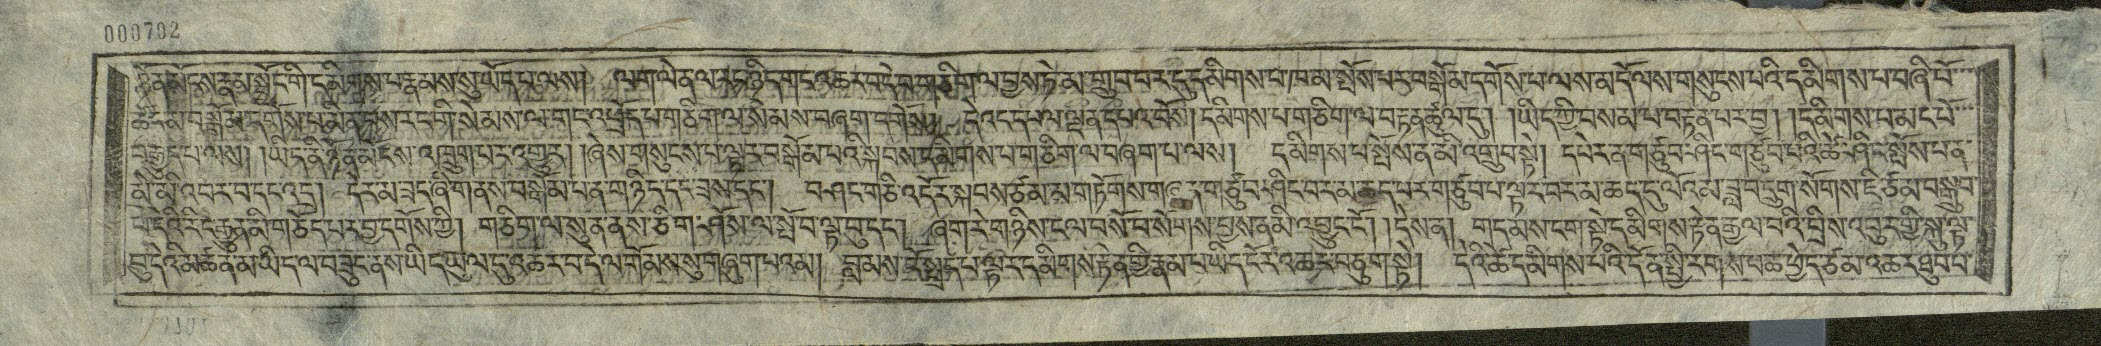ཉོན་མོངས་རྣམ་སྦྱོང་གི་དམིགས་པ་རྣམས་སུ་ཡོད་པ་ལས། ལག་ལེན་ལ་རང་ཉིད་གང་འཆར་བདེ་བ་གཅིག་ལ་བྱས་ཏེ་མ་གྲུབ་བར་དུ་དམིགས་པ་ཁ་མ་སྤོས་པར་བསྒོམ་དགོས་པ་ལས་མདོ་ལས་གསུངས་པའི་དམིགས་པ་བཞི་པོ་
ཚང་མ་བསྒོམ་དགོས་པ་མིན་པས་རང་གི་སེམས་ལ་གང་འཕྲོད་པ་གཅིག་ལ་སེམས་བཞག་དགོས། དེའང་དཔལ་ལྡན་དཔའ་བོས། དམིགས་པ་གཅིག་ལ་བརྟན་ཚུལ་དུ། །ཡིད་ཀྱི་བསམ་པ་བརྟན་པར་བྱ། །དམིགས་པ་མང་པོ་
བརྒྱུད་པ་ལས། །ཡིད་ནི་ཉོན་མོངས་འཁྲུག་པར་འགྱུར། །ཞེས་གསུངས་པ་ལྟར་བསྒོམ་པའི་སྐབས་དམིགས་པ་གཅིག་ལ་བཞག་པ་ལས། དམིགས་པ་སྤོས་ན་མི་འགྲུབ་སྟེ། དཔེར་ན་གཙུབ་ཤིང་གཙུབ་པའི་ཚེ་ཤིང་སྤོས་པ་ན་
མེ་མི་འབར་བ་དང་འདྲ། དེར་མ་ཟད་ཞི་གནས་བསྒོམ་པ་ན་གཉིད་དང་ཟས་དང་། བཤང་?་གཅི་འདོར་སྐབས་ཙམ་མ་གཏོགས་གཞན་གཙུབ་ཤིང་བར་མ་ཆད་པར་གཙུབ་པ་ལྟར་བར་མ་ཆད་དུ་ལོའམ་ཟླ་བ་དྲུག་སོགས་ཇི་ཙམ་བསྒྲུབ་
པ་དེའི་རིང་རྒྱུན་མི་གཅོད་པར་བྱ་དགོས་ཀྱི། གཅིག་ལ་སུན་ནས་ཅིག་ཤོས་ལ་སྤོ་བ་ལྟ་བུ་དང་། ཞག་རེ་གཉིས་ངལ་བསོ་བ་སོགས་བྱས་ན་མི་འབྱུང་ངོ། །དེས་ན། གདམས་ངག་སྟེ་དམིགས་རྟེན་རྒྱལ་བའི་བྲིས་འབུར་གྱི་སྐུ་ལྟ་
བུ་དེའི་མཚན་མ་ཡིད་ལ་བཟུང་ནས་ཡིད་ཡུལ་དུ་འཆར་བ་དེ་ལ་གོམས་སུ་གཞུག་པའམ། བླ་མས་ངོ་སྤྲད་པ་ལྟར་དམིགས་རྟེན་གྱི་རྣམ་པ་ཡིད་ངོར་འཆར་བཅུག་སྟེ། དེའི་ཚེ་དམིགས་པའི་དོན་སྤྱི་རགས་པ་ཆ་ཕྱེད་ཙམ་འཆར་ཐུབ་པ་